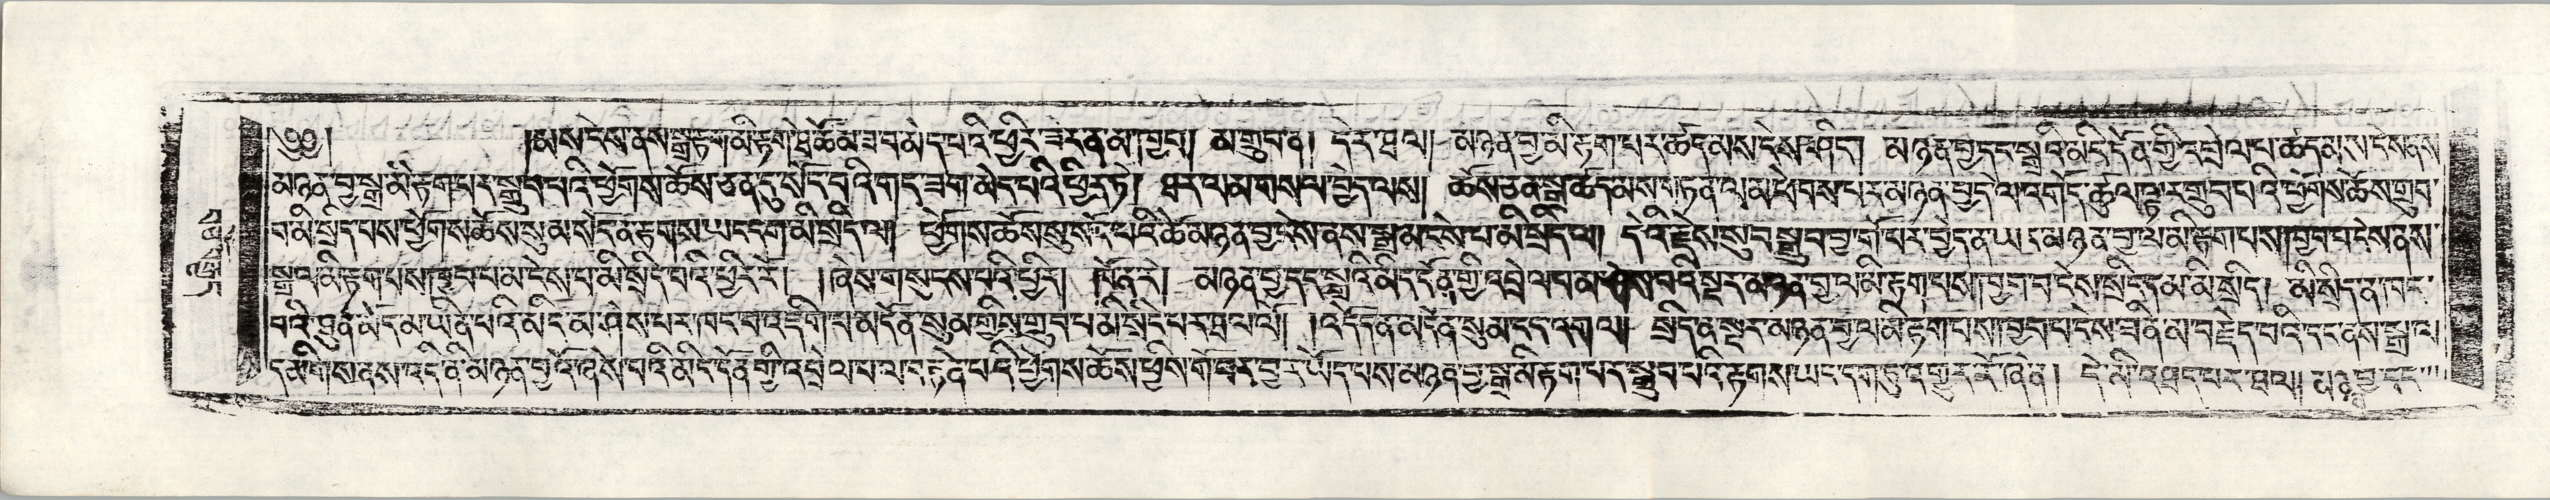༄༅། །མས་ངེས་ནས་སྒྲ་རྟག་མི་རྟག་ཐེ་ཚོམ་ཟ་བ་མེད་པའི་ཕྱིར་ཟེར་ན་མ་ཁྱབ། མ་གྲུབ་ན། དེར་ཐལ། མཉན་བྱ་མི་རྟག་པར་ཚད་མས་ངེས་ཤིང་། མཉན་བྱ་དང་སྒྲའི་མིང་དོན་གྱི་འབྲེལ་བ་ཚད་མས་ངེས་ནས་
མཉན་བྱ་སྒྲ་མི་རྟག་པར་སྒྲུབ་པའི་ཕྱོགས་ཆོས་ཅན་དུ་སོང་བའི་གང་ཟག་མེད་པའི་ཕྱིར་ཏེ། ཐར་ལམ་གསལ་བྱེད་ལས། ཆོས་ཅན་སྒྲ་ཚད་མས་གཏན་ལ་མ་ཕབ་པར་མཉན་བྱ་དེ་ལ་འགོད་ཚུལ་ལྟར་གྲུབ་པའི་ཕྱོགས་ཆོས་གྲུབ་
པ་མི་སྲིད་པས་ཕྱོགས་ཆོས་སུ་མ་སོང་ན་རྟགས་ཡང་དག་མི་སྲིད་ལ། ཕྱོགས་ཆོས་སུ་སོང་བའི་ཚེ་མཉན་བྱ་ངེས་ནས་སྒྲ་མ་ངེས་པ་མི་སྲིད་ལ། དེའི་རྗེས་སུ་བསྒྲུབ་བྱ་གོ་བར་བྱེད་ན་ཡང་མཉན་བྱ་ལ་མི་རྟག་པས་ཁྱབ་པ་ངེས་ནས་
སྒྲ་ལ་མི་རྟག་པས་ཁྱབ་པ་མ་ངེས་པ་མི་སྲིད་པའི་ཕྱིར་རོ། །ཞེས་གསུངས་པའི་ཕྱིར། ཁོ་ན་རེ། མཉན་བྱ་དང་སྒྲའི་མིང་དོན་གྱི་འབྲེལ་བ་མ་ཤེས་པའི་སྔར་མཉན་བྱ་ལ་མི་རྟག་པས་ཁྱབ་པ་ངེས་སྲིད་དམ་མི་སྲིད། མི་སྲིད་ན་ཁང་
བའི་ཐུན་མོང་མ་ཡིན་པའི་མིང་མ་ཤེས་པར་ཁང་བ་འཇིག་པ་མངོན་སུམ་གྱིས་གྲུབ་པ་མི་སྲིད་པར་ཐལ་ལོ། །འདོད་ན་མངོན་སུམ་དང་འགལ། སྲིད་ན་སྔར་མཉན་བྱ་ལ་མི་རྟག་པས་ཁྱབ་པ་ངེས་ཟིན་མ་བརྗེད་པའི་ངང་ནས་སྒྲ་ལ་
དམིགས་ནས་འདི་ནི་མཉན་བྱའོ་ཞེས་པའི་མིང་དོན་གྱི་འབྲེལ་བ་ལ་བརྟེན་པའི་ཕྱོགས་ཆོས་ཕྱིས་གོ་བར་བྱར་ཡོད་པས་མཉན་བྱ་སྒྲ་མི་རྟག་པར་སྒྲུབ་པའི་རྟགས་ཡང་དག་ཏུ་འགྱུར་རོ་ཞེ་ན། དེ་མི་འཐད་པར་ཐལ། མཉན་བྱ་དང་